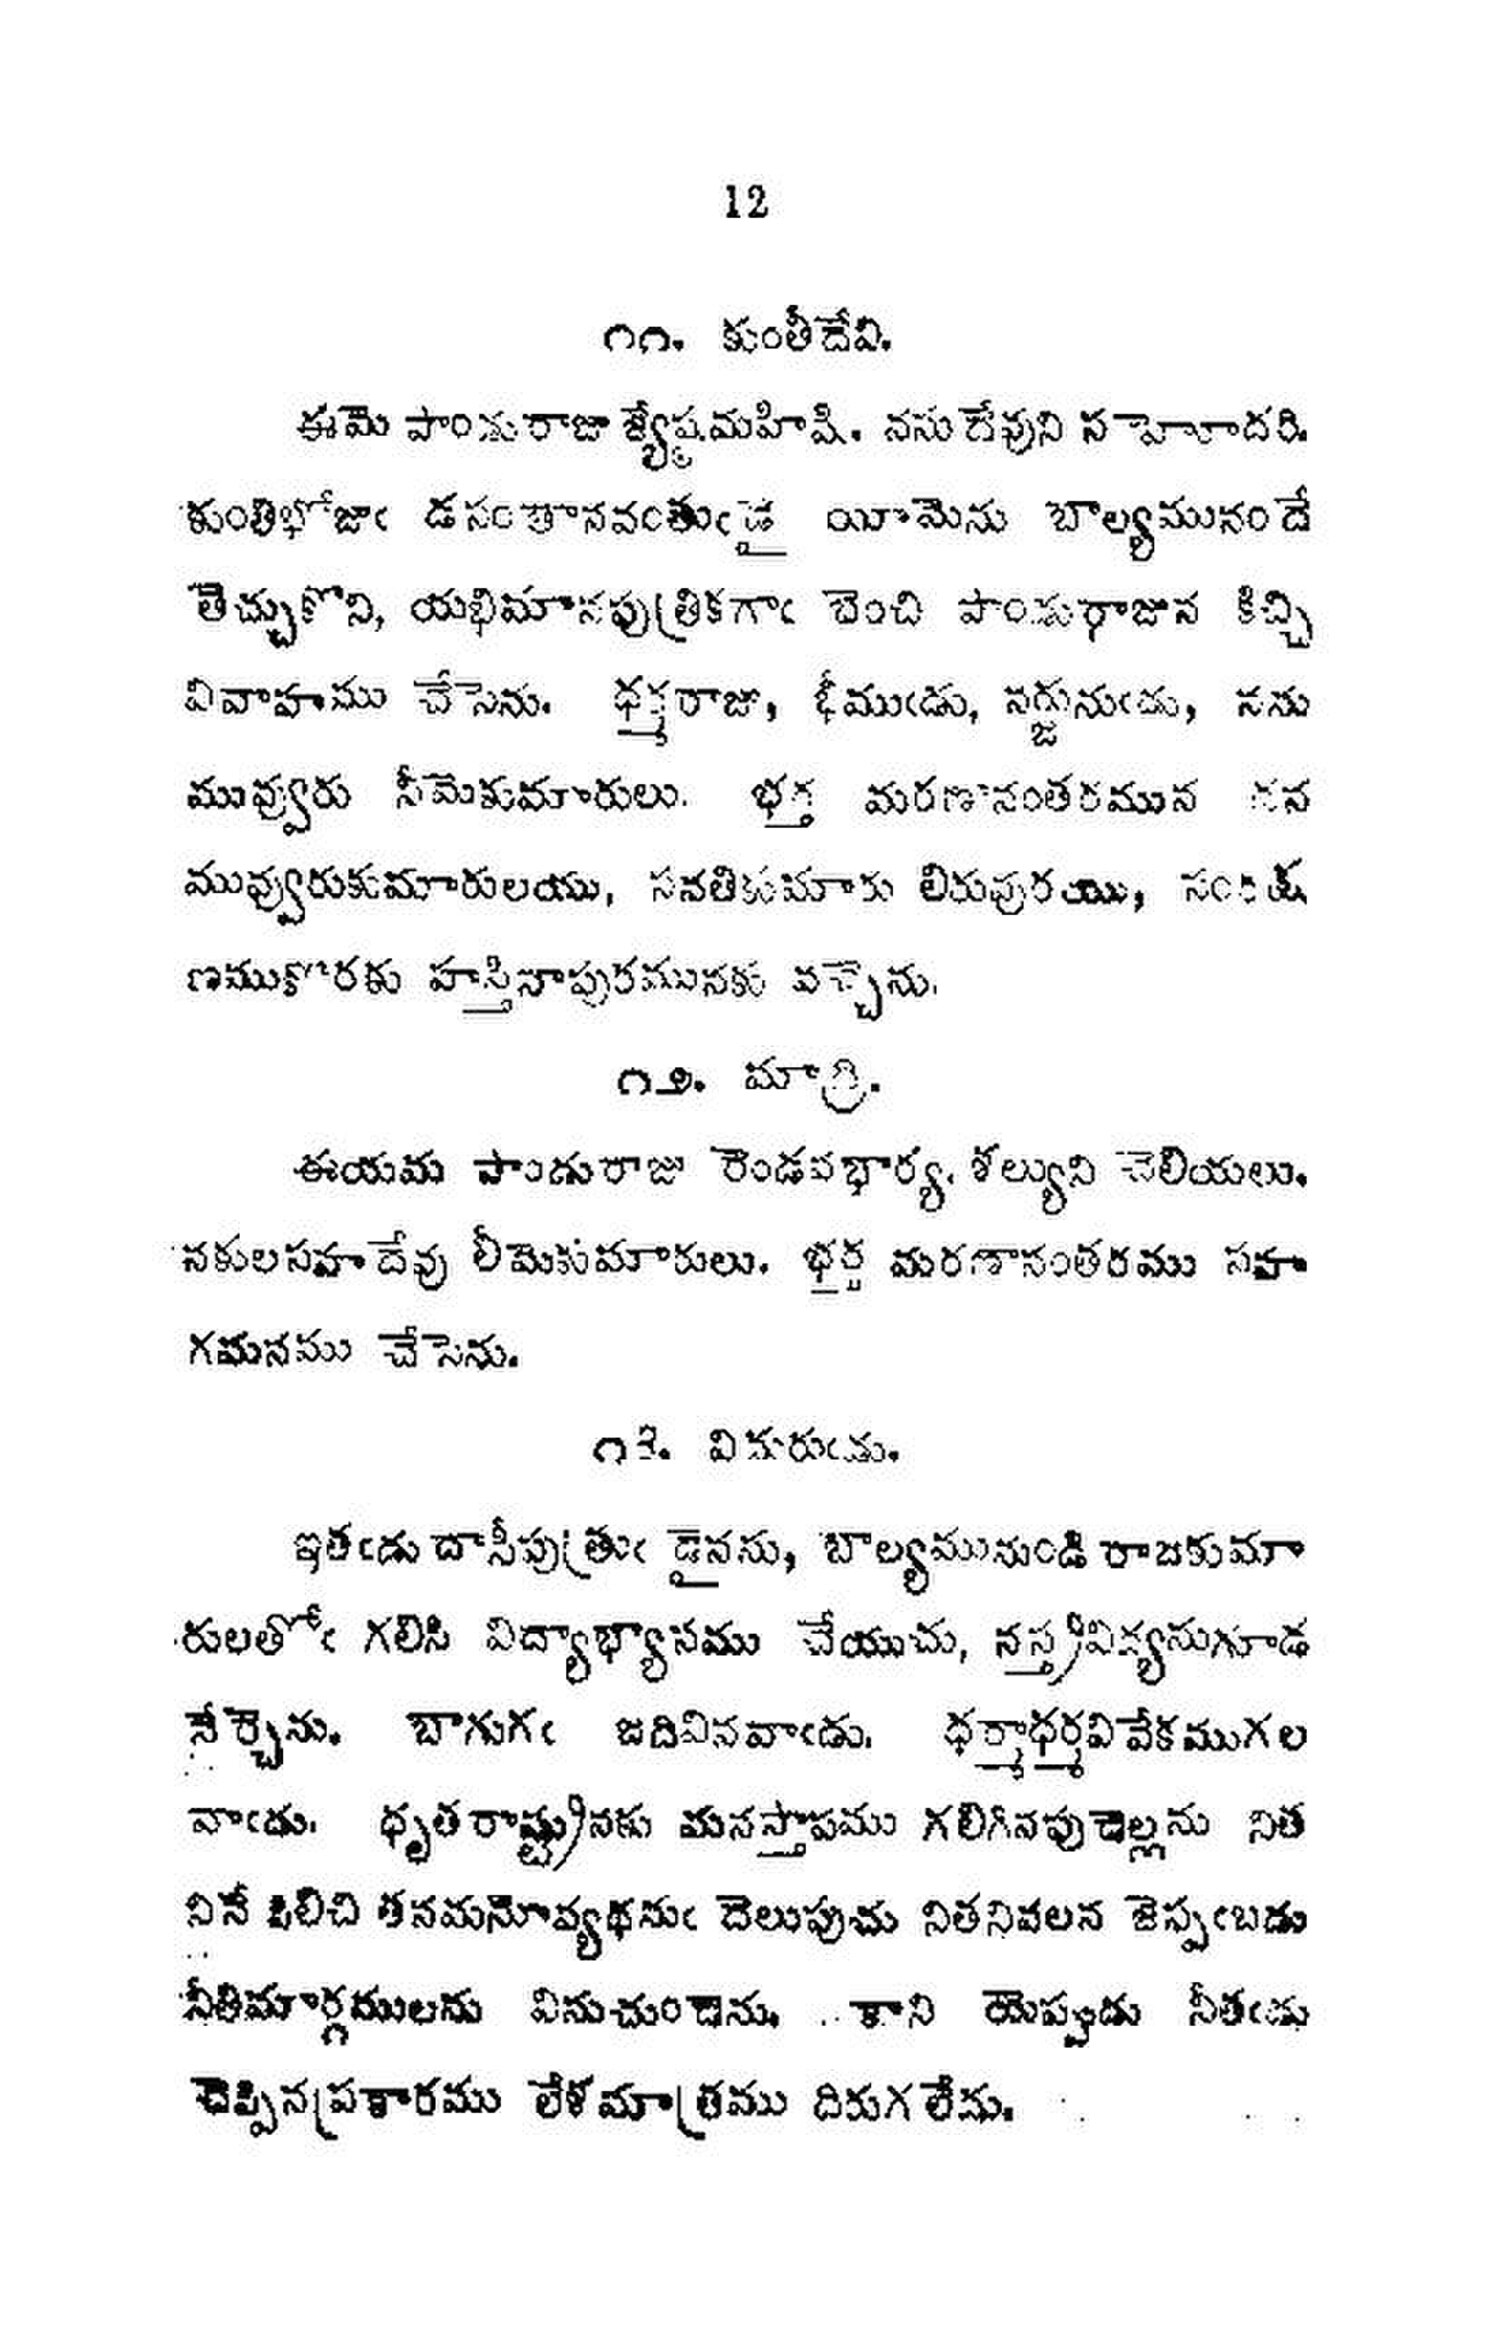ఈమె పాండురాజు జ్యేష్ఠమహిషి. వసుదేవుని సహోదరి. కుంతిభోజుఁ డసంతానవంతుఁడై యీమెను బాల్యమునందే తెచ్చుకొని, యభిమానపుత్రికగాఁ బెంచి పాండురాజున కిచ్చి వివాహము చేసెను. ధర్మరాజు, భీముఁడు, నర్జునుఁడు, నను మువ్వురు నీమెకుమారులు. భర్త మరణానంతరమున దన
మువ్వురుకుమారులయు, సవతికుమారు లిరువురయు, సంరక్షణముకొరకు హస్తినాపురమునకు వచ్చెను.

ఈయమ పాండురాజు రెండవభార్య. శల్యుని చెలియలు. నకులసహదేవు లీమెకుమారులు. భర్త మరణానంతరము సహగమనము చేసెను.

ఇతఁడు దాసీపుత్రుఁ డైనసు, బాల్యమునుండి రాజకుమారులతోఁ గలిసి విద్యాభ్యాసము చేయుచు, నస్త్రవిద్యనుగూడ నేర్చెను. బాగుగఁ జదివినవాడు. ధర్మాధర్మవివేకముగల వాఁడు. ధృతరాష్ట్రునకు మనస్తాపము గలిగినపుడెల్లను నితనినే పిలిచి తనమనోవ్యథనుఁ దెలుపుచు నితనివలన జెస్పఁబడు నీతిమార్గములను వినుచుండెను. కాని యెప్పుడు నీతఁడు చెప్పినప్రకారము లేశమాత్రము దిరుగలేదు.